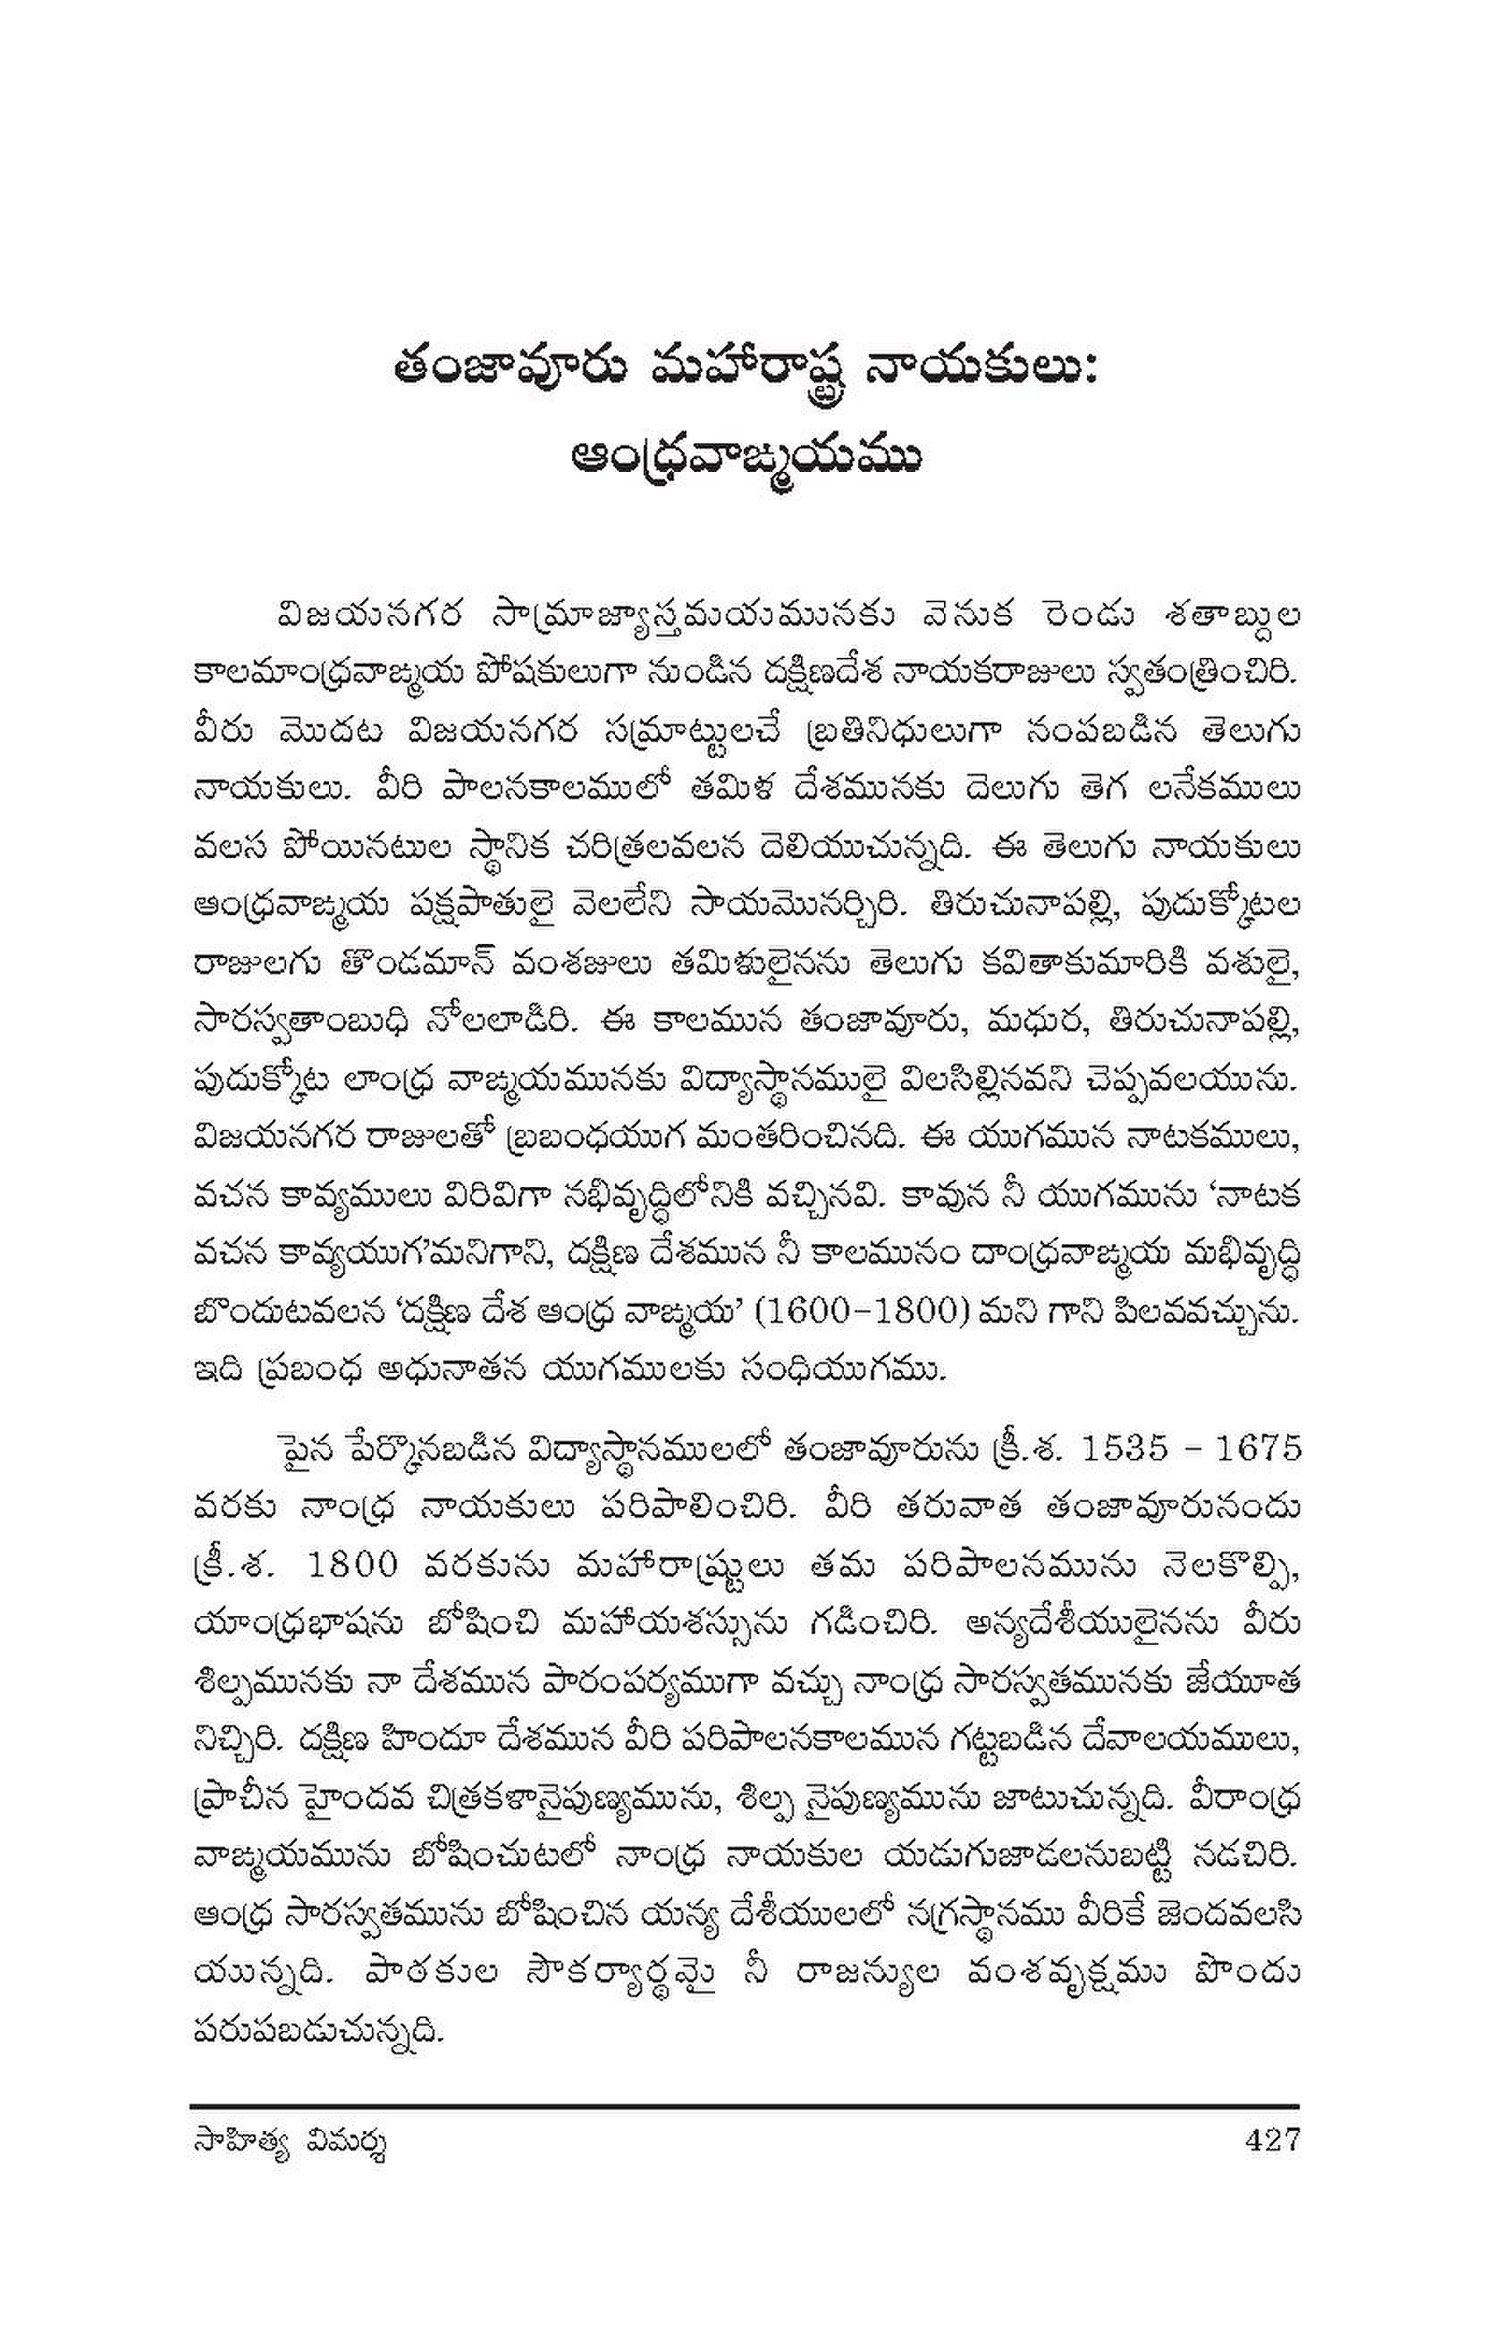విజయనగర సామ్రాజ్యాస్తమయమునకు వెనుక రెండు శతాబ్దుల కాలమాంధ్రవాఙ్మయ పోషకులుగా నుండిన దక్షిణదేశ నాయకరాజులు స్వతంత్రించిరి. వీరు మొదట విజయనగర సమ్రాట్టులచే బ్రతినిధులుగా సంపబడిన తెలుగు నాయకులు. వీరి పాలనకాలములో తమిళ దేశమునకు దెలుగు తెగ లనేకములు వలస పోయినటుల స్థానిక చరిత్రలవలన దెలియుచున్నది. ఈ తెలుగు నాయకులు ఆంధ్రవాఙ్మయ పక్షపాతులై వెలలేని సాయమొనర్చిరి. తిరుచునాపల్లి, పుదుక్కోటల రాజులగు తొండమాన్ వంశజులు తమిళులైనను తెలుగు కవితాకుమారికి వశులై, సారస్వతాంబుధి నోలలాడిరి. ఈ కాలమున తంజావూరు, మధుర, తిరుచునాపల్లి, పుదుక్కోట లాంధ్ర వాఙ్మయమునకు విద్యాస్థానములై విలసిల్లినవని చెప్పవలయును. విజయనగర రాజులతో బ్రబంధయుగ మంతరించినది. ఈ యుగమున నాటకములు, వచన కావ్యములు విరివిగా అభివృద్ధిలోనికి వచ్చినవి. కావున నీ యుగమును 'నాటక
వచన కావ్యయుగ’మనిగాని, దక్షిణ దేశమున నీ కాలమునం దాంధ్రవాఙ్మయ మభివృద్ధి బొందుటవలన 'దక్షిణ దేశ ఆంధ్ర వాఙ్మయ' (1600-1800) మని గాని పిలవవచ్చును. ఇది ప్రబంధ అధునాతన యుగములకు సంధియుగము.

పైన పేర్కొనబడిన విద్యాస్థానములలో తంజావూరును క్రీ.శ. 1535-1675 వరకు నాంధ్ర నాయకులు పరిపాలించిరి. వీరి తరువాత తంజావూరునందు క్రీ.శ. 1800 వరకును మహారాష్ట్రులు తమ పరిపాలనమును నెలకొల్పి, యాంధ్రభాషను బోషించి మహాయశస్సును గడించిరి. అన్యదేశీయులైనను వీరు శిల్పమునకు నా దేశమున పారంపర్యముగా వచ్చు నాంధ్ర సారస్వతమునకు జేయూత నిచ్చిరి. దక్షిణ హిందూ దేశమున వీరి పరిపాలనకాలమున గట్టబడిన దేవాలయములు, ప్రాచీన హైందవ చిత్రకళానైపుణ్యమును, శిల్ప నైపుణ్యమును జాటుచున్నది. వీరాంధ్ర వాఙ్మయమును బోషించుటలో నాంధ్ర నాయకుల యడుగుజాడలనుబట్టి నడచిరి. ఆంధ్ర సారస్వతమును బోషించిన యన్య దేశీయులలో నగ్రస్థానము వీరికే జెందవలసి యున్నది. పాఠకుల సౌకర్యార్థమై నీ రాజన్యుల వంశవృక్షము పొందుపరుపబడుచున్నది.